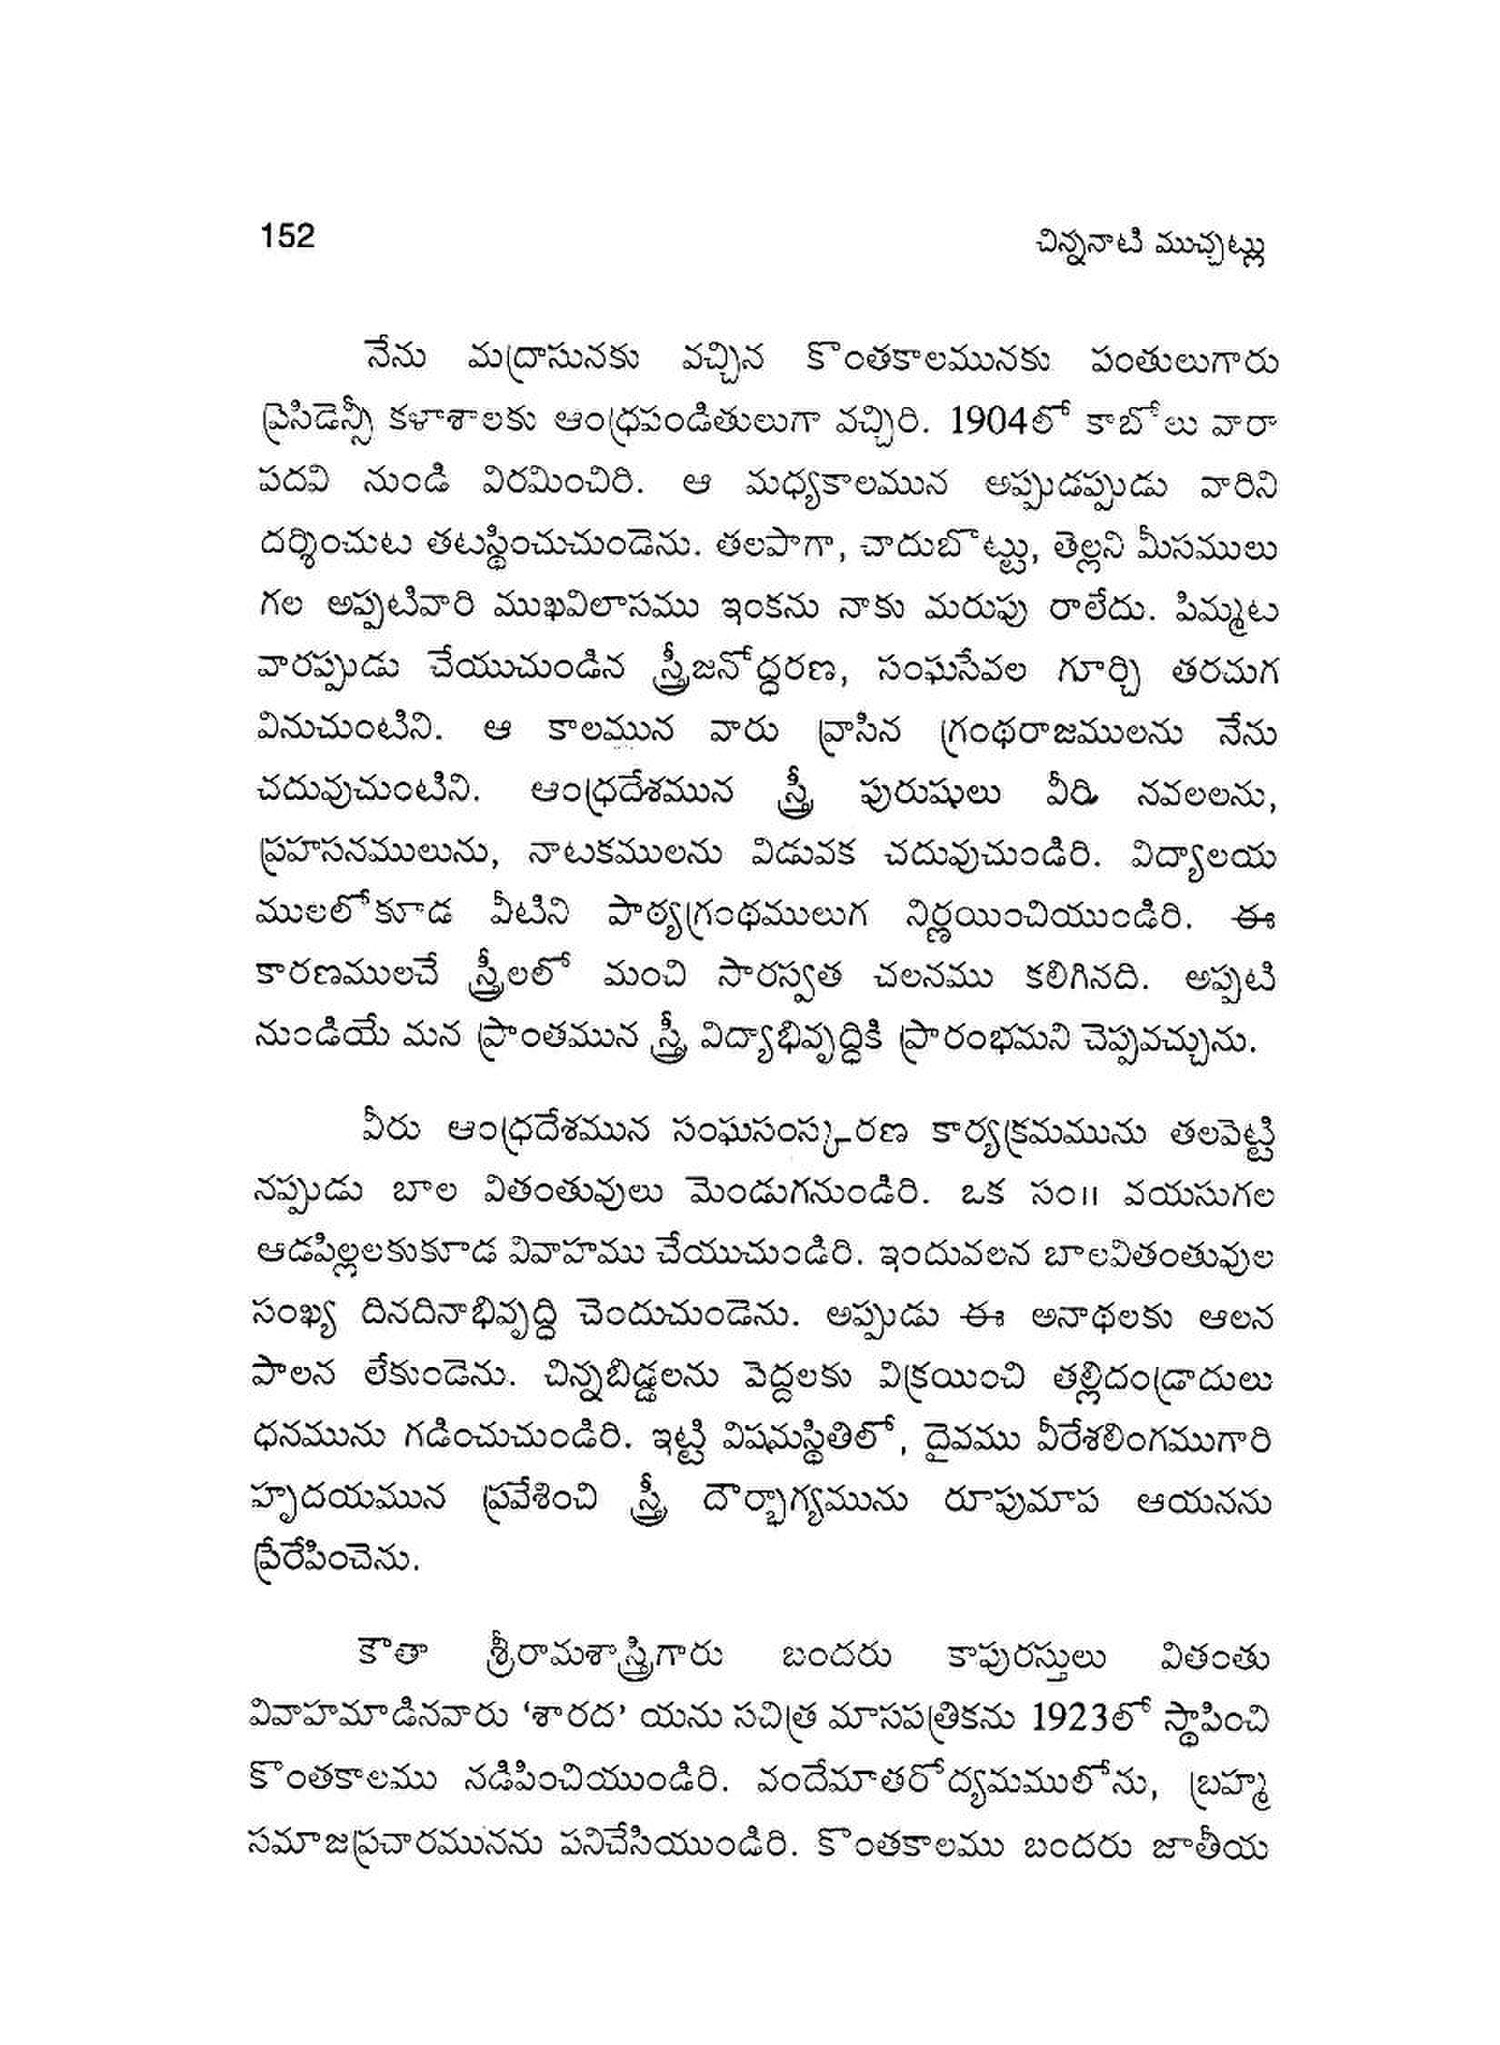నేను మద్రాసునకు వచ్చిన కొంతకాలమునకు పంతులుగారు ప్రెసిడెన్సీ కళాశాలకు ఆంధ్రపండితులుగా వచ్చిరి. 1904లో కాబోలు వారా పదవి నుండి విరమించిరి. ఆ మధ్యకాలమున అప్పుడప్పుడు వారిని దర్శించుట తటస్థించుచుండెను. తలపాగా, చాదుబొట్టు, తెల్లని మీసములు గల అప్పటివారి ముఖవిలాసము ఇంకను నాకు మరుపు రాలేదు. పిమ్మట వారప్పుడు చేయుచుండిన స్త్రీజనోద్ధరణ, సంఘసేవల గూర్చి తరచుగ వినుచుంటిని. ఆ కాలమున వారు వ్రాసిన గ్రంథరాజములను నేను చదువుచుంటిని. ఆంధ్రదేశమున స్త్రీ పురుషులు వీరి నవలలను, ప్రహసనములును, నాటకములను విడువక చదువుచుండిరి. విద్యాలయములలోకూడ వీటిని పాఠ్యగ్రంథములుగ నిర్ణయించియుండిరి. ఈ కారణములచే స్త్రీలలో మంచి సారస్వత చలనము కలిగినది. అప్పటి నుండియే మన ప్రాంతమున స్త్రీ విద్యాభివృద్ధికి ప్రారంభమని చెప్పవచ్చును.

వీరు ఆంధ్రదేశమున సంఘసంస్కరణ కార్యక్రమమును తలపెట్టినప్పుడు బాల వితంతువులు మెండుగనుండిరి. ఒక సం|| వయసుగల ఆడపిల్లలకుకూడ వివాహము చేయుచుండిరి. ఇందువలన బాలవితంతువుల సంఖ్య దినదినాభివృద్ధి చెందుచుండెను. అప్పడు ఈ అనాథలకు ఆలన పాలన లేకుండెను. చిన్నబిడ్డలను పెద్దలకు విక్రయించి తల్లిదండ్రాదులు ధనమును గడించుచుండిరి. ఇట్టి విషమస్థితిలో, దైవము వీరేశలింగముగారి హృదయమున ప్రవేశించి స్త్రీ దౌర్భాగ్యమును రూపుమాప ఆయనను ప్రేరేపించెను.

కౌతా శ్రీరామశాస్త్రిగారు బందరు కాపురస్తులు వితంతు వివాహమాడినవారు 'శారద' యను సచిత్ర మాసపత్రికను 1923లో స్థాపించి కొంతకాలము నడిపించియుండిరి. వందేమాతరోద్యమములోను, బ్రహ్మ సమాజప్రచారమునను పనిచేసియుండిరి. కొంతకాలము బందరు జాతీయ